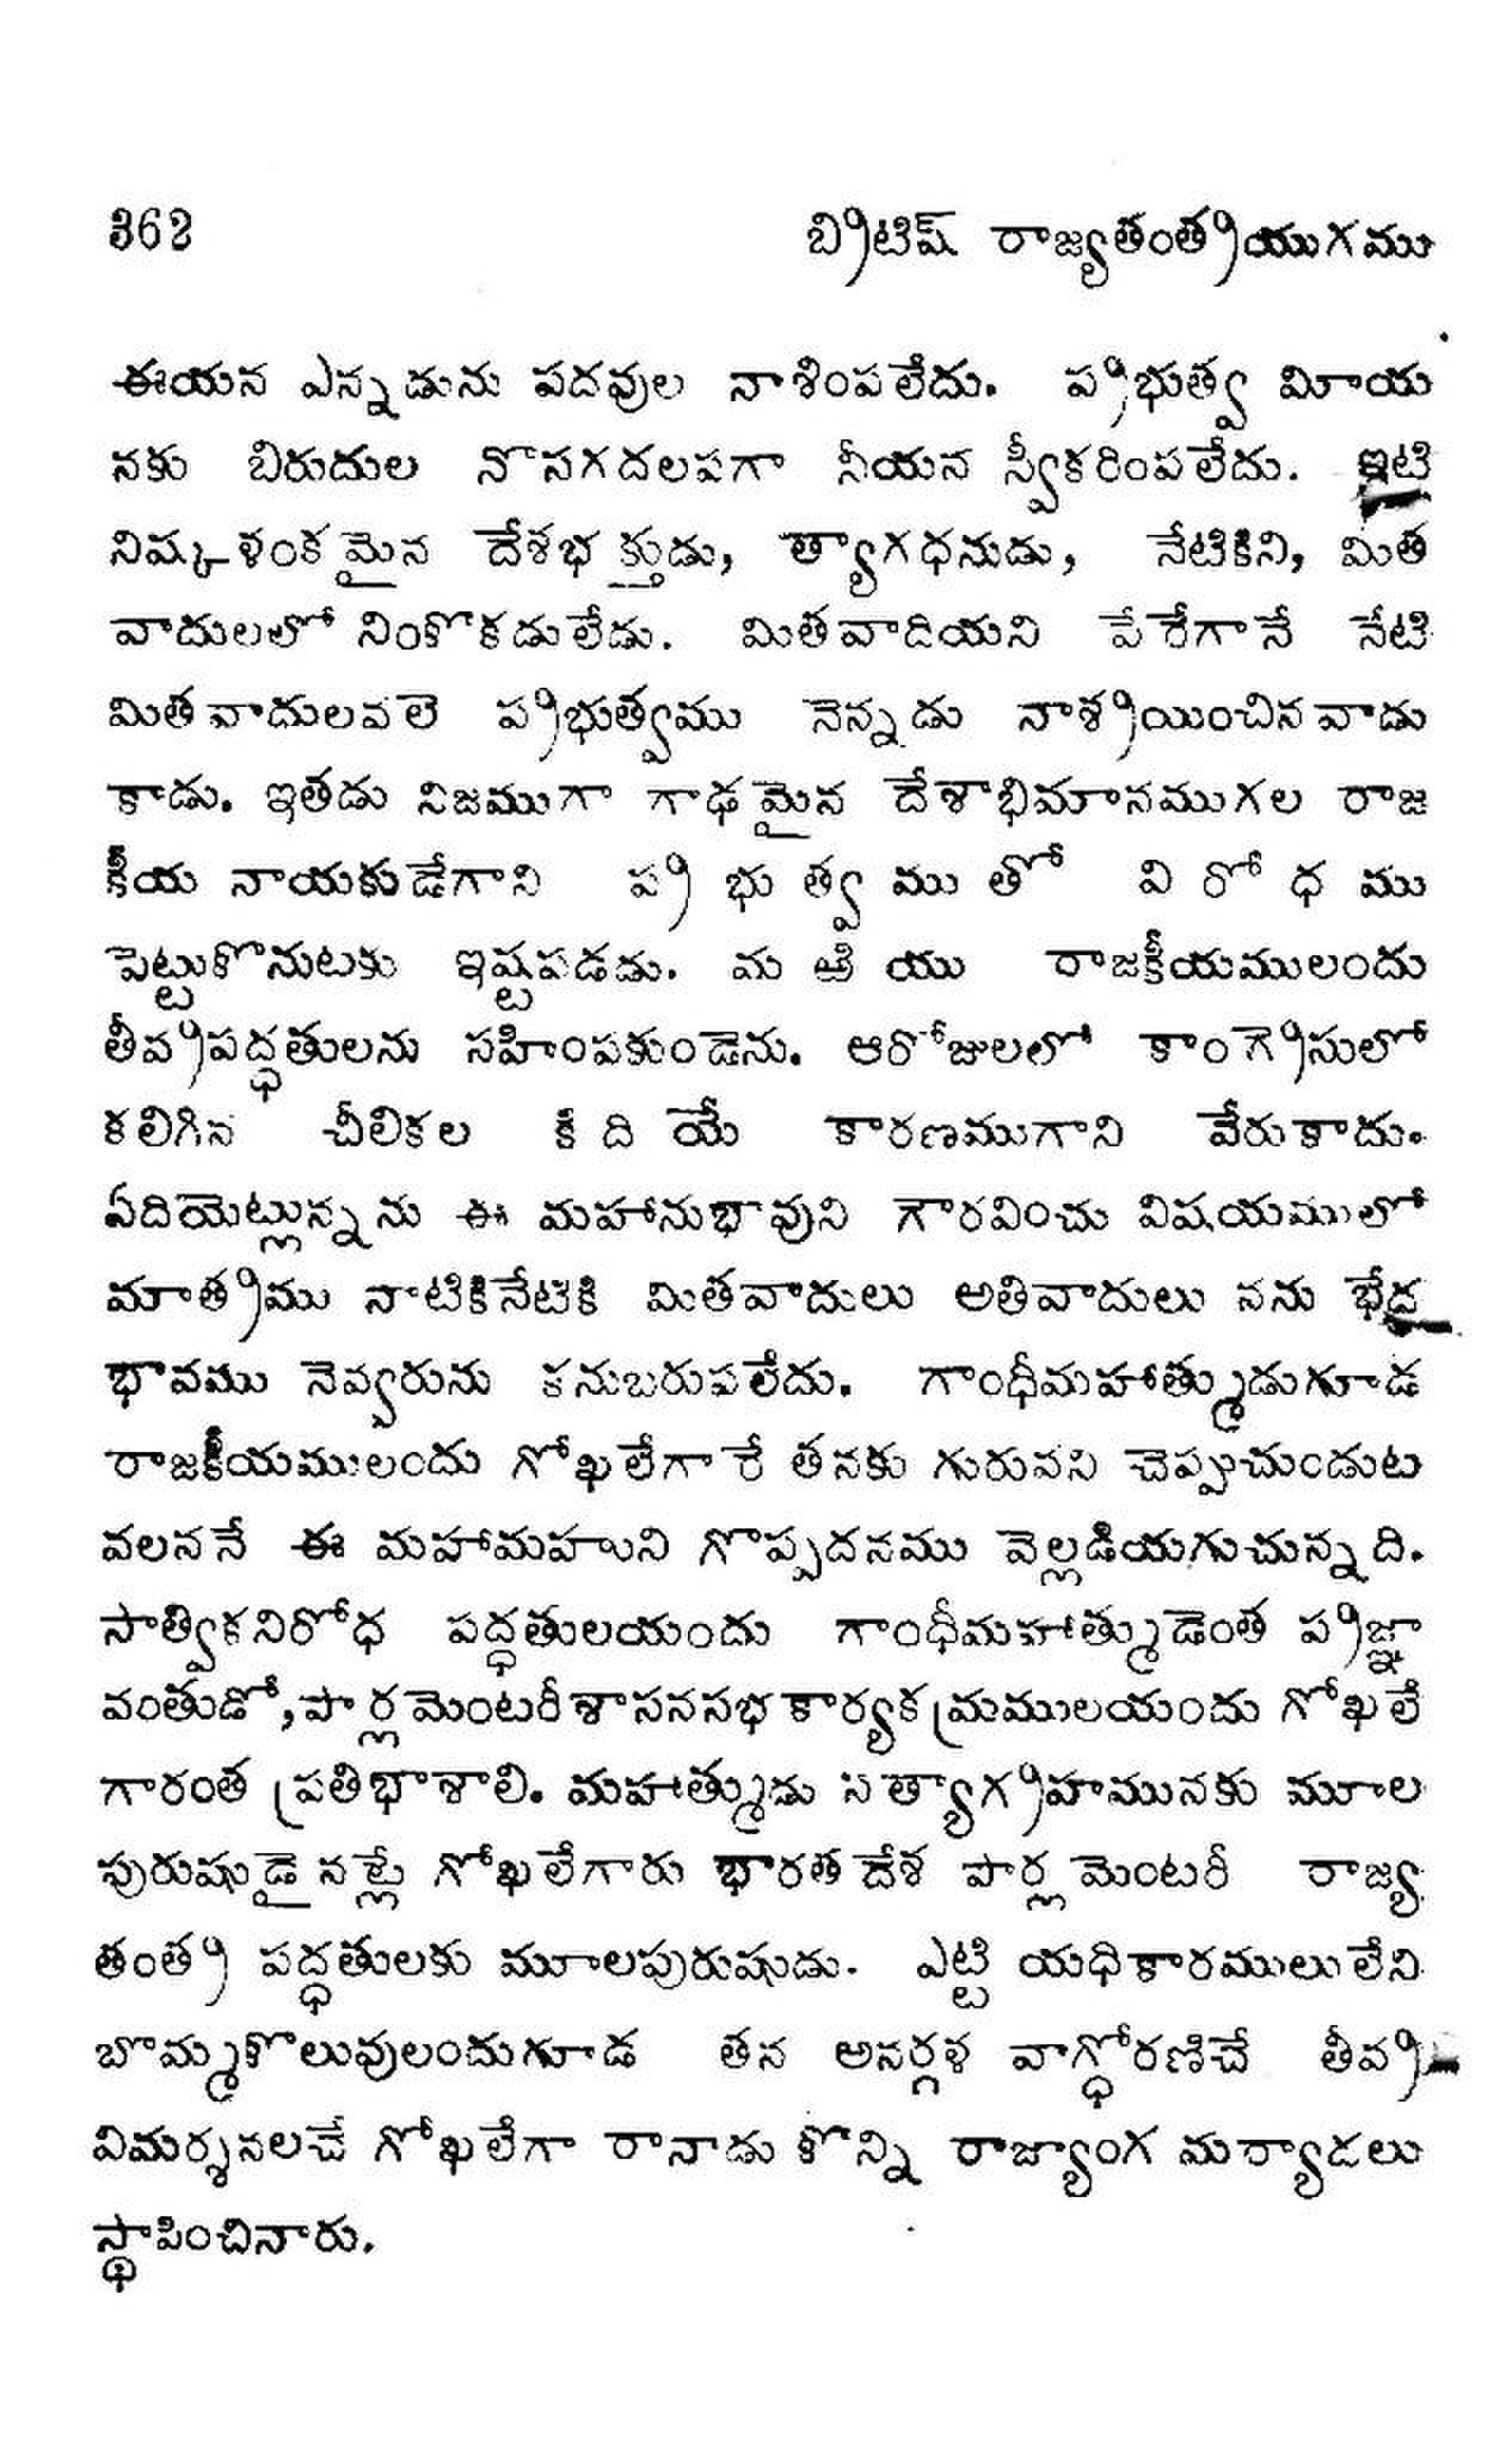ఈయన ఎన్నడును పదవుల నాశింపలేదు. ప్రభుత్వ మీయనకు బిరుదుల నొసగదలపగా నీయన స్వీకరింపలేదు. ఇట్టి నిష్కళంకమైన దేశభక్తుడు, త్యాగధనుడు, నేటికిని, మితవాదులలో నింకొకడులేడు. మితవాదియని పేరేగానే నేటి మితవాదులవలె ప్రభుత్వము నెన్నడు నాశ్రయించినవాడు కాడు. ఇతడు నిజముగా గాఢమైన దేశాభిమానముగల రాజకీయ నాయకుడేగాని ప్రభుత్వముతో విరోధము పెట్టుకొనుటకు ఇష్టపడడు. మఱియు రాజకీయములందు తీవ్రపద్దతులను సహింపకుండెను. ఆరోజులలో కాంగ్రెసులో కలిగిన చీలికల కిదియే కారణముగాని వేరుకాదు. ఏదియెట్లున్నను ఈ మహానుభావుని గౌరవించు విషయములో మాత్రము నాటికినేటికి మితవాదులు అతివాదులు నను భేధభావము నెవ్వరును కనుబరుపలేదు. గాంధీమహాత్ముడుగూడ రాజకీయములందు గోఖలేగారే తనకు గురువని చెప్పుచుండుట వలననే ఈ మహామహుని గొప్పదనము వెల్లడియగుచున్నది. సాత్వికనిరోధ పద్ధతులయందు గాంధీమహాత్ముడెంత ప్రజ్ఞావంతుడో, పార్లమెంటరీశాసనసభ కార్యక్రమములయందు గోఖలే గారంత ప్రతిభాశాలి. మహాత్ముడు సత్యాగ్రహమునకు మూలపురుషుడైనట్లే గోఖలేగారు. భారతదేశ పార్లమెంటరీ రాజ్యతంత్ర పద్ధతులకు మూలపురుషుడు. ఎట్టి యధికారములులేని బొమ్మకొలువులందుగూడ తన అనర్గళ వాగ్ధోరణిచే తీవ్రవిమర్శనలచే గోఖలేగా రానాడు కొన్ని రాజ్యాంగ మర్యాదలు స్థాపించినారు.